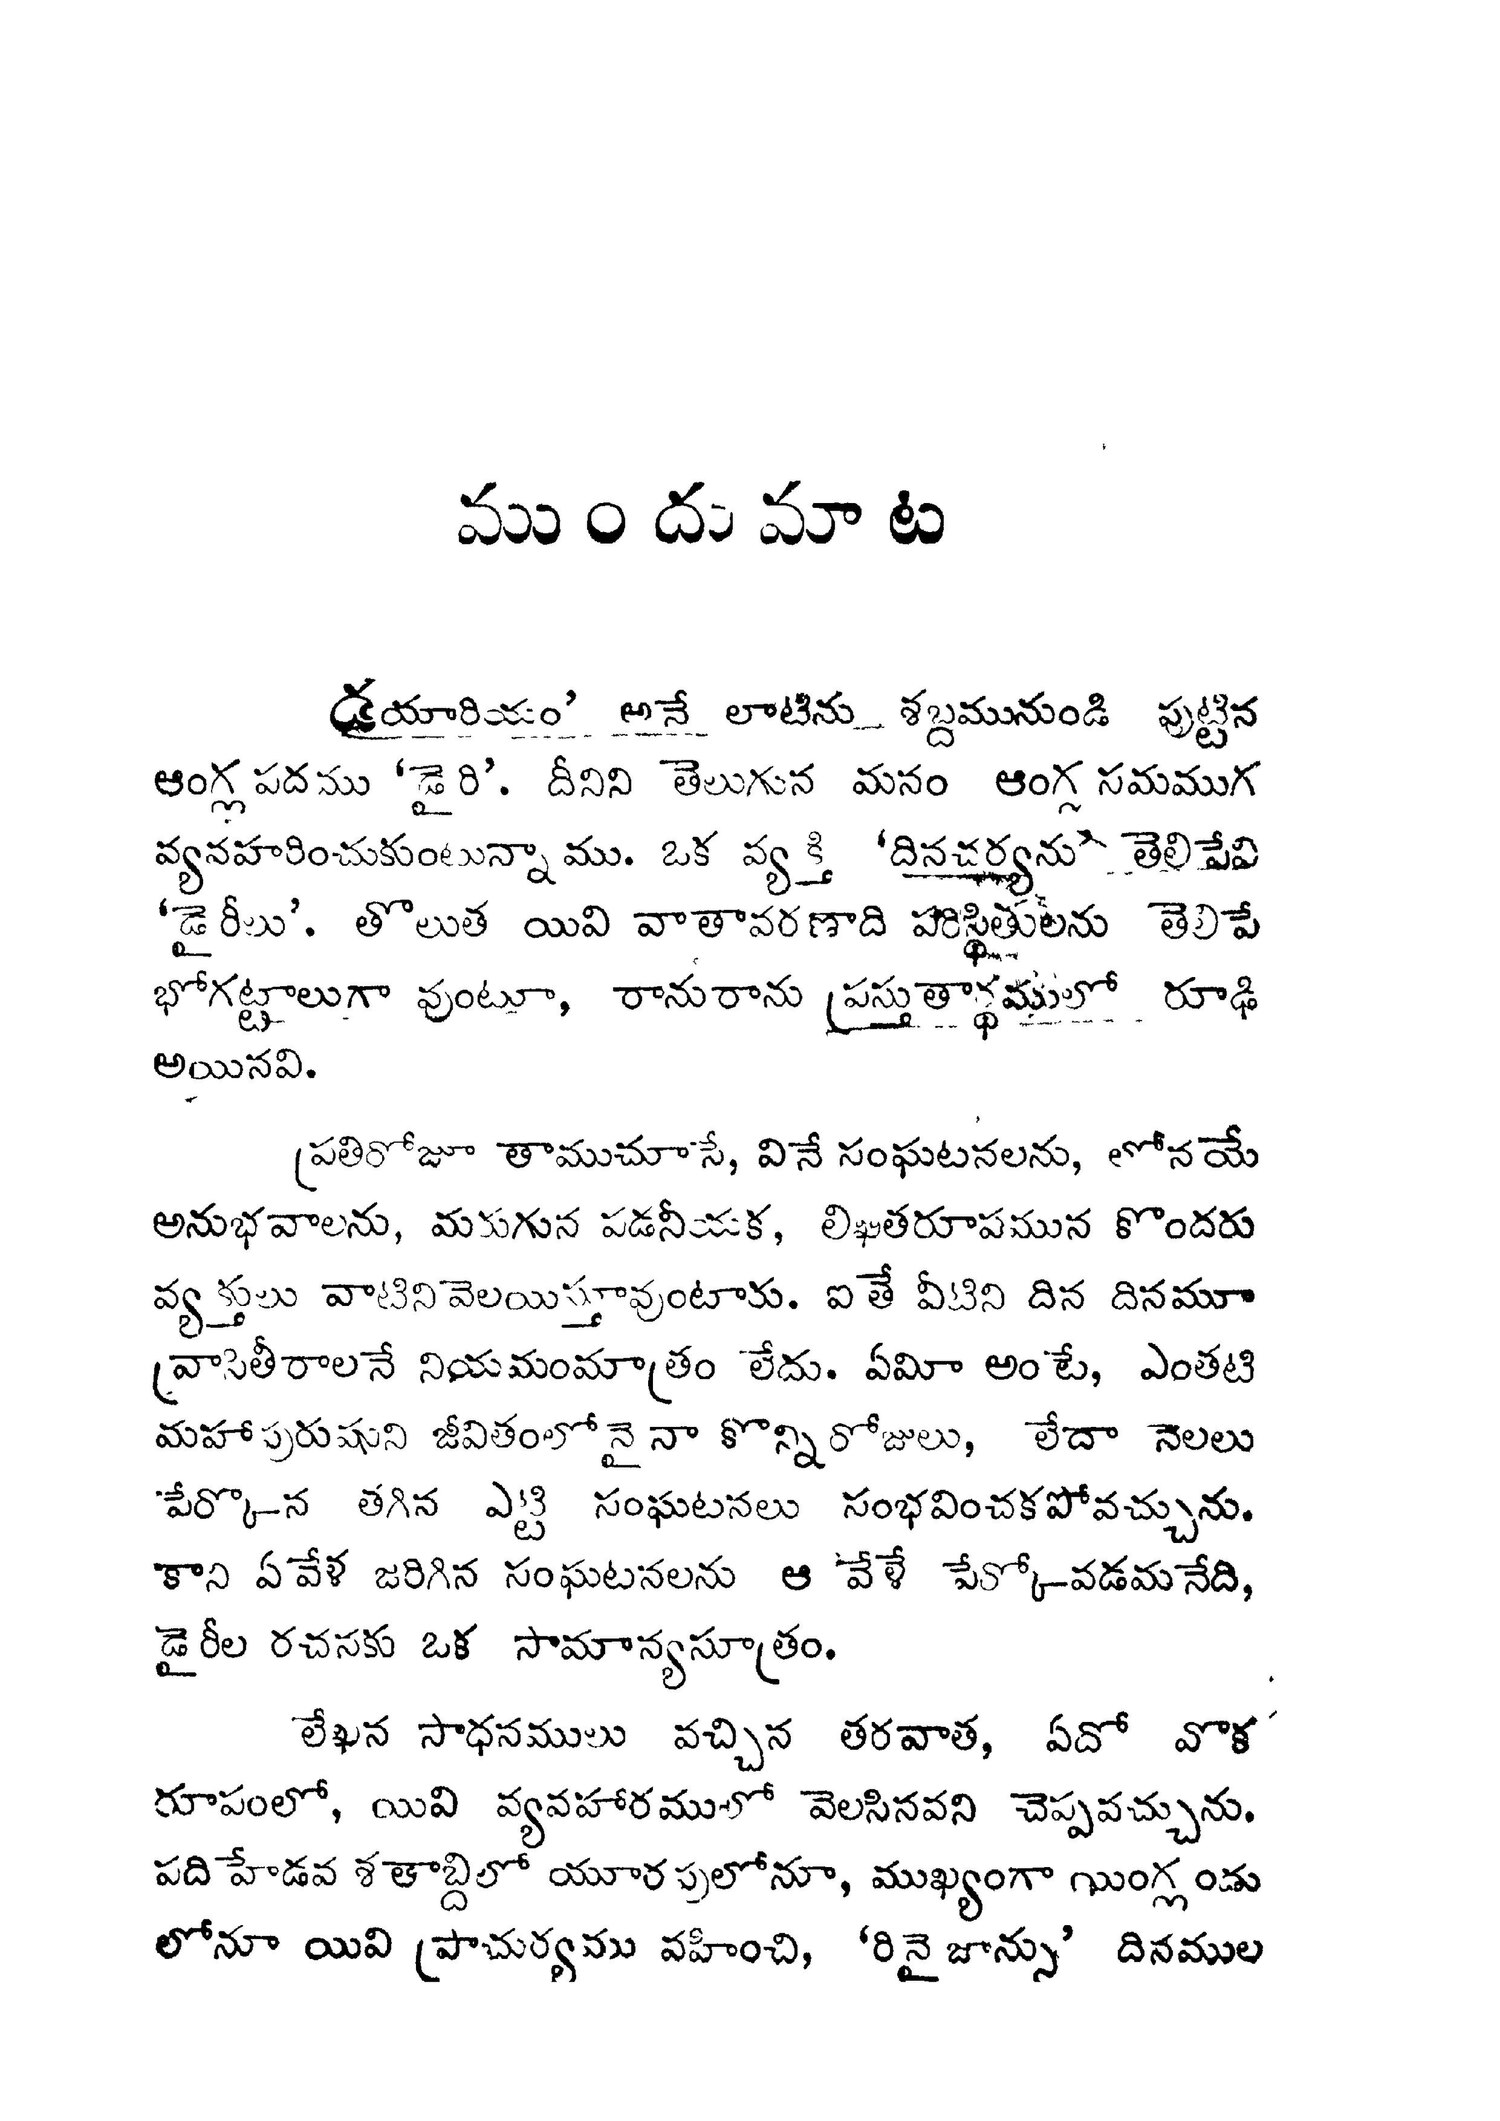' డయారియం ' అనే లాటిను శబ్దమునుండి పుట్టిన ఆంగ్లపదము ' డైరి '. దీనిని తెలుగున మనం ఆంగ్ల సమముగ వ్యవహరించుకుంటున్నాము. ఒక వ్యక్తి ' దినచర్యను ' తెలిపేవి ' డైరీలు '. తొలుత యివి వాతావరణాది పరిస్థితులను తెలిపే భోగట్టాలుగా వుంటూ, రానురాను ప్రస్తుతార్థములో రూఢి అయినవి.

ప్రతిరోజూ తాముచూసే, వినే సంఘటనలను, లోనయే అనుభవాలను, మరుగున పడనీయక, లిఖితరూపమున కొందరు వ్యక్తులు వాటిని వెలయిస్తూవుంటారు. ఐతే వీటిని దిన దినమూ వ్రాసితీరాలనే నియమంమాత్రం లేదు. ఏమీ అంటే, ఎంతటి మహాపురుషుని జీవితంలోనైనా కొన్నిరోజులు, లేదా నెలలు పేర్కొన తగిన ఎట్టి సంఘటనలు సంభవించకపోవచ్చును. కాని ఏవేళ జరిగిన సంఘటనలను ఆ వేళే పేర్కొనడమనేది, డైరీల రచనకు ఒక సామాన్యసూత్రం.

లేఖన సాధనములు వచ్చిన తరవాత, ఏదో వొక రూపంలో, యివి వ్యవహారములో వెలసినవని చెప్పవచ్చును. పదిహేడవ శతాబ్దిలో యూరపులోను, ముఖ్యంగా యింగ్లండు లోనూ యివి ప్రాచుర్యము వహించి, ' రినైజాన్సు ' దినముల